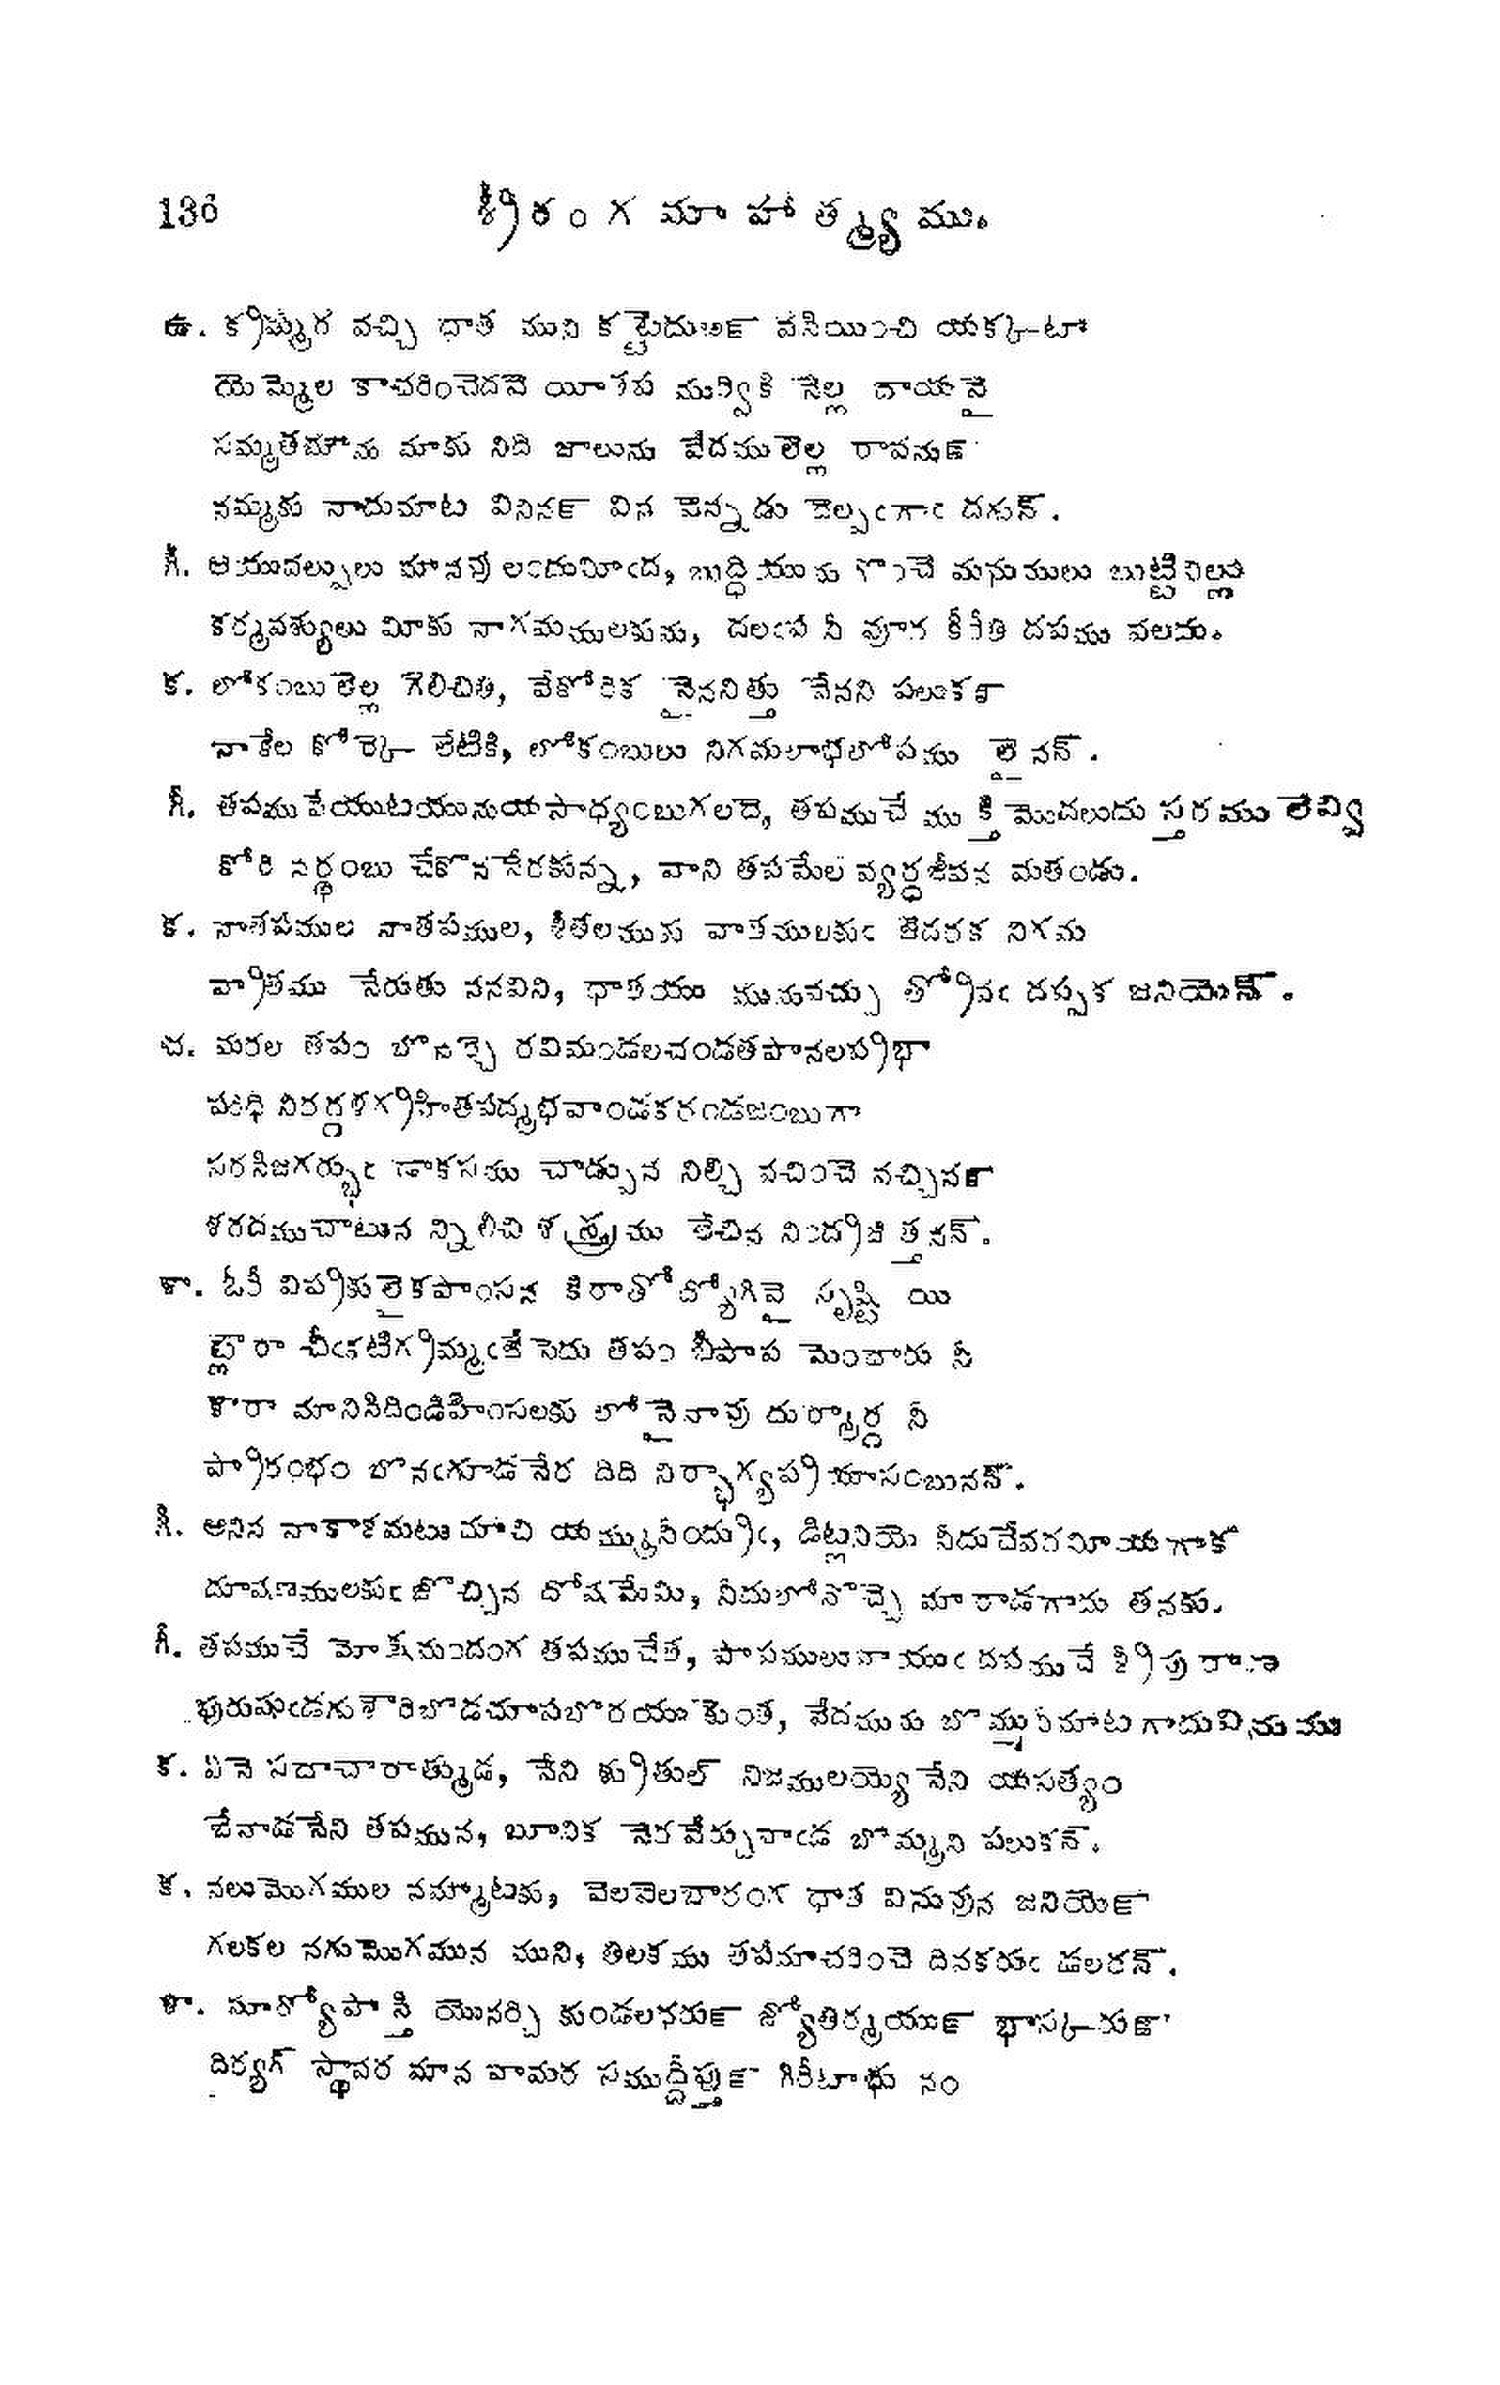ఉ. క్రమ్మర వచ్చి ధాత ముని కట్టెదుఱన్ వసియిచి యక్కటా
 యెమ్మెల కాచరించెదవె యీతప ముర్వికి నెల్ల దాయవై
 సమ్మతమౌను మాకు నిది జాలును వేదములెల్ల రావనున్
 నమ్మకు నాదుమాట వినినన్ విన వెన్నడు దెల్పఁగాఁ దగున్.
గీ. ఆయువల్పులు మానవు లందుమీఁద, బుద్ధియును గొంచె మఘములు బుట్టినిల్లు
 కర్మవశ్యులు మీకు నాగమములకును, దలఁప నీ వూర కీరీతి దపము వలదు.
క. లోకంబులెల్ల గెలిచితి, వేకోరిక నెననిత్తు నేనని పలుకన్
 నాకేల కోర్కె లేటికి, లోకంబులు నిగమలాభలోపము లైనన్.
గీ. తపము సేయుటయును యసాధ్యంబు గలదె, తపముచే ముక్తి మొదలు దుస్తరము లెవ్వి
 కోరి నర్థంబు చేకొననేరకున్న, వాని తపమేల వ్యర్థజీవన మతండు.
క. నాతపముల నాతపముల, శీతలమును వాతములకుఁ జెదరక నిగమ
 వ్రాతము నేరుతు ననవిని, ధాతయు మునువచ్చు త్రోవఁ దప్పక జనియెన్.
చ. మరల తపం బొనర్చె రవిమండలచండతపానలప్రభా
 పరిధి నిరర్గళగ్రహితపద్మభవాండకరండజంబుగా
 సరసిజగర్భుఁ డాకసము చాడ్పున నిల్చి వచించె వచ్చినన్
 శరదముచాటున న్నిలిచి శస్త్రము లేచిన నింద్రజిత్తనన్.
శా. ఓరీ విప్రకులైకపాంసన కిరాతోద్యోగివై సృష్టి యి
 ట్లౌరా చీఁకటిగ్రమ్మఁజేసెదు తపం బీపాప మెందారు నీ
 కౌరా మానిసిదిండిహింసలకు లోనైనావు దుర్మార్గ నీ
 ప్రారంభం బొనఁగూడనేర దిది నిర్భాగ్యప్రయాసంబునన్.
గీ. అనిన నాకాశమటు చూచి యమ్మునీంద్రుఁ, డిట్లనియె నీదుచే వర మీయ గాక
 దూషణములకుఁ జొచ్చిన దోష మేమి, నీదులోనొచ్చె మారాడగాదు తనకు.
గీ. తపముచే మోక్ష మందంగ తపముచేత, పాపములు వాయుఁ దపముచే శ్రీపురాణ
 పురుషుఁడగు శౌరిబొడచూపబొరయుటెంత, వేదమును బొమ్ము నీమాట గాదు వినుము.
క. ఏనె సదాచారాత్ముఁడ, నేని శ్రుతుల్ నిజములయ్యెనేని యసత్యం
 బే నాడనేని తపమున, బూనిక నేరవేర్చువాఁడ బొమ్మని పలుకన్.
క. నలుమొగముల నమ్మాటకు, వెలవెలబారంగ ధాత విసువున జనియెన్
 గలకల నగుమొగమున ముని, తిలకము తపమాచరించె దినకరుఁ డలరన్.
శా. సూర్యోపాస్తి యొనర్చి కుండలధరున్ జ్యోతిర్మయున్ భాస్కరున్
 దిర్యగ్ స్థావర మాన వామర సముద్దీప్తున్ గిరీటాభు నం